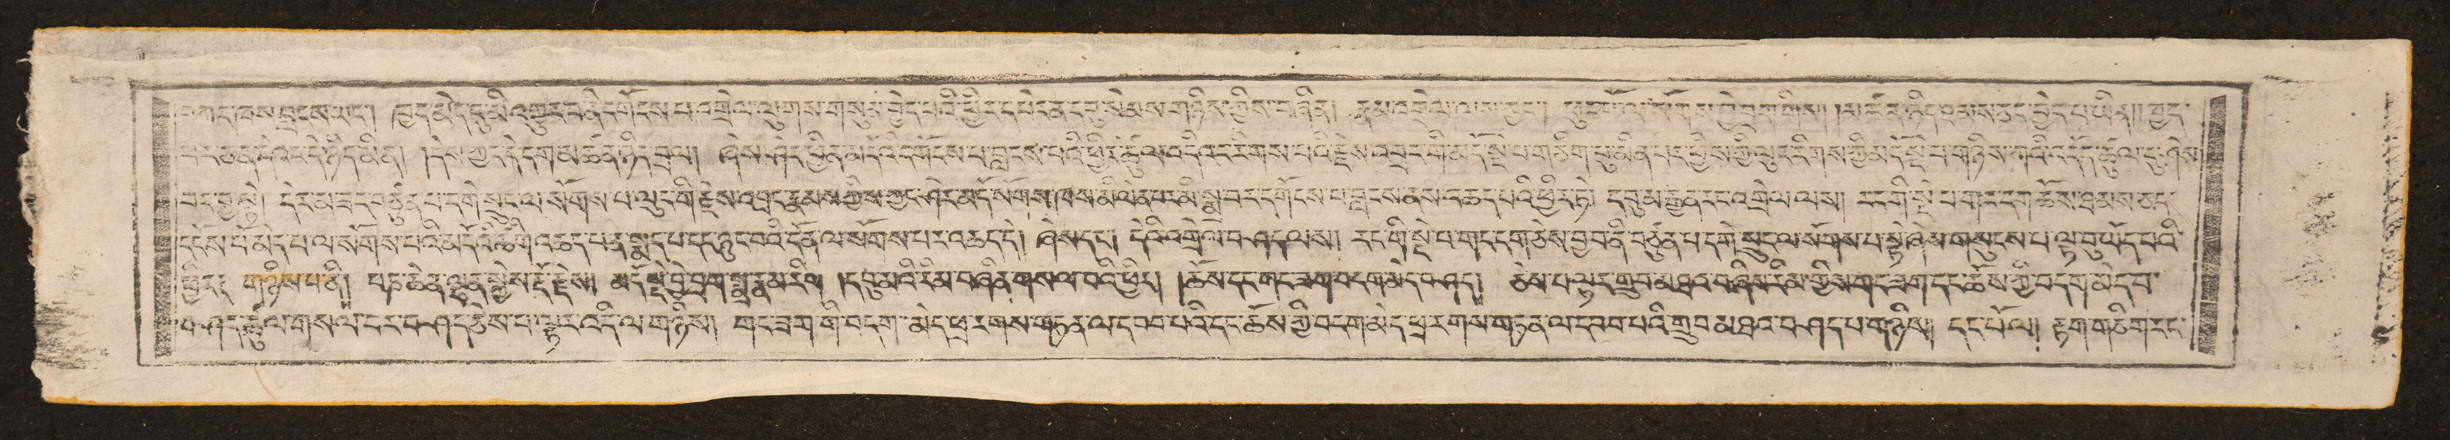བཀར་ཁས་བླངས་ཡང་། ཁྱད་མེད་དུ་མི་འགྱུར་བ་ནི་དགོངས་པ་འགྲེལ་ལུགས་གསུམ་བྱེད་པའི་ཕྱིར་དཔེར་ན་དབུ་སེམས་གཉིས་ཀྱིས་བཞིན། རྣམ་འགྲེལ་ལས་ཀྱང་། ཕུང་པོ་ལ་སོགས་བྱེ་བྲག་གིས། །མཚན་ཉིད་ཐམས་ཅད་བྱེད་པ་ཡིན། །ཁྱད་
པར་ཅན་དེའང་དེ་ཉིད་མིན། །དེས་ཀྱང་དེ་དག་མཚན་ཉིད་བྲལ། ཞེས་ཤེར་ཕྱིར་མདོའི་དགོངས་པ་བླངས་པའི་ཕྱིར་ཚུལ་འདིའང་རིགས་པའི་རྗེས་འབྲང་གི་མདོ་སྡེ་པ་གཅིག་པུ་མིན་པར་ཕྱིས་ཀྱི་ལུང་རིགས་ཀྱི་མདོ་སྡེ་བ་གཉིས་ཀའི་འདོད་ཚུལ་དུ་ཤེས་
བར་བྱ་སྟེ། དེར་མ་ཟད་བཙུན་པ་དགེ་སྲུང་ལ་སོགས་པ་ལུང་གི་རྗེས་འབྲང་རྣམས་ཀྱིས་ཀྱང་ཤེར་མདོ་སོགས་ཁས་མི་ལེན་པར་མི་སྨྲ་བར་དགོངས་པ་བླངས་ནས་འཆད་པའི་ཕྱིར་ཏེ། དབུ་མ་རྒྱན་རང་འགྲེལ་ལས། རང་གི་སྡེ་པ་གང་དག་ཆོས་ཐམས་ཅད་
དངོས་པོ་མེད་པ་ལ་སོགས་པའི་མདོའི་ཚིག་འཆད་བ་ན་སྨད་པ་དང་ཉུང་བའི་དོན་ལ་སོགས་པར་འཆད་དེ། ཞེས་དང་། དེའི་འགྲེལ་བཤད་ལས། རང་གི་སྡེ་བ་གང་དག་ཅེས་བྱ་བ་ནི་བཙུན་པ་དགེ་སྲུང་ལ་སོགས་པ་སྟེ་ཞེས་གསུངས་པ་ལྟ་བུ་ཡོད་པའི་
ཕྱིར༑ གཉིས་པ་ནི། པཎ་ཆེན་ལྷན་སྐྱེས་རྡོ་རྗེས། མདོ་སྡེ་བྱེ་བྲག་སྨྲ་རྣམ་རིག །དབུ་མའི་རིམ་བཞིན་གསལ་བའི་ཕྱིར། །ཆོས་དང་གང་ཟག་བདག་མེད་བཤད། ཅེས་པ་ལྟར་གྲུབ་མཐའ་བཞིས་རིམ་གྱིས་གང་ཟག་དང་ཆོས་ཀྱི་བདག་མེད་པ་
བཤད་ཚུལ་གསལ་བར་བཤད་ཅེས་པ་ལྟར་འདི་ལ་གཉིས། གང་ཟག་གི་བདག་མེད་ཕྲ་རགས་གཏན་ལ་དབབ་པའི་དང་ཆོས་ཀྱི་བདག་མེད་ཕྲ་རགས་གཏན་ལ་དབབ་པའི་གྲུབ་མཐའ་བཤད་པ་གཉིས། དང་པོ་ལ། རྟག་གཅིག་རང་